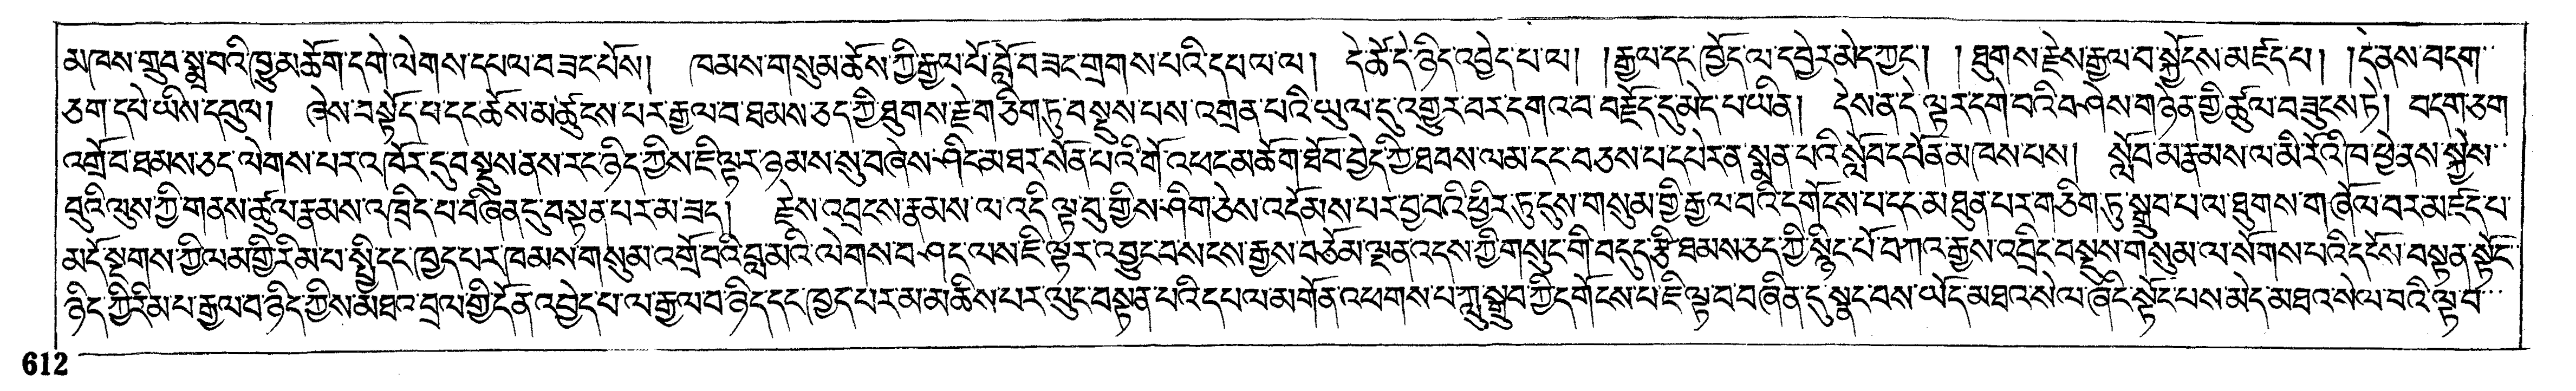མཁས་གྲུབ་སྨྲ་བའི་ཁྱུ་མཆོག་དགེ་ལེགས་དཔལ་བཟང་བོས། ཁམས་གསུམ་ཆོས་ཀྱི་རྒྱལ་པོ་བློ་བཟང་གྲགས་པའི་དབལ་ལ། དེ་ཚེ་དེ་ཉིད་འབྱེད་པ་ལ། །རྒྱལ་དང་ཁྱོད་ལ་དབྱེར་མེད་ཀྱང་། །ཐུགས་རྗེས་རྒྱལ་བ་སྐྱེངས་མཛད་པ། །དེ་ནས་བདག་
ཅག་དཔེ་ཡིས་དབུལ། ཞེས་བསྟོད་པ་དང་ཆོས་མཚུངས་པར་རྒྱལ་བ་ཐམས་ཅད་ཀྱི་ཐུགས་རྗེ་གཅིག་ཏུ་བསྡུས་པས་འགྲན་པའི་ཡུལ་དུ་འགྱུར་བར་དཀའ་བ་བརྗོད་དུ་མེད་པ་ཡིན། དེས་ན་དེ་ལྟར་དགེ་བའི་བཤེས་གཉེན་གྱི་ཚུལ་བཟུངས་ཏེ། བདག་ཅག་
འགྲོ་བ་ཐམས་ཅད་ལེགས་པར་འཁོར་དུ་བསྡུས་ནས་རང་ཉིད་ཀྱིས་ཇི་ལྟར་ཉམས་སུ་བཞེས་ཤིང་མཐར་སོན་པའི་གོ་འཕང་མཆོག་ཐོབ་བྱེད་ཀྱི་ཐབས་ལམ་དང་བཅས་པ་དཔེར་ན་སྨན་པའི་སློབ་དཔོན་མཁས་པས། སློབ་མ་རྣམས་ལ་མི་རོའི་ཁ་ཕྱེ་ནས་སྐྱེས་
བུའི་ལུས་ཀྱི་གནས་ཚུལ་རྣམས་འཁྲིད་པ་བཞིན་དུ་བསྟན་བར་མ་ཟད། རྗེས་འབྲངས་རྣམས་ལ་འདི་ལྟ་བུ་གྱིས་ཤིག་ཅེས་འདོམས་པར་བྱ་བའི་ཕྱིར་ཏུ་དུས་གསུམ་གྱི་རྒྱལ་བའི་དགོངས་པ་དང་མཐུན་པར་གཅིག་ཏུ་སྒྲུབ་པ་ལ་ཐུགས་གཞོལ་བར་མཛད་དེ།
མདོ་སྔགས་ཀྱི་ལམ་གྱི་རིམ་པ་སྤྱི་དང་ཁྱད་པར་ཁམས་གསུམ་འགྲོ་བའི་བླ་མའི་ལེགས་བཤད་ལས་ཇི་ལྟར་འབྱུང་བ་སངས་རྒྱས་བཅོམ་ལྡན་འདས་ཀྱི་གསུང་གི་བདུད་རྩི་ཐམས་ཅད་ཀྱི་སྙིང་པོ་བཀའ་རྒྱས་འབྲིང་བསྡུས་གསུམ་ལ་སོགས་བའི་དངོས་བསྟན་སྟོང་
ཉིད་ཀྱི་རིམ་པ་རྒྱལ་བ་ཉིད་ཀྱིས་མཐའ་བྲལ་གྱི་དོན་འབྱེད་པ་ལ་རྒྱལ་བ་ཉིད་དང་ཁྱད་པར་མ་མཆིས་པར་ལུང་བསྟན་པའི་དཔལ་མགོན་འཕགས་བ་ཀླུ་སྒྲུབ་ཀྱི་དགོངས་པ་ཇི་ལྟ་བ་བཞིན་དུ་སྣང་བས་ཡོད་མཐའ་སེལ་ཞིང་སྟོང་བས་མེད་མཐའ་སེལ་བའི་ལྟ་བ་